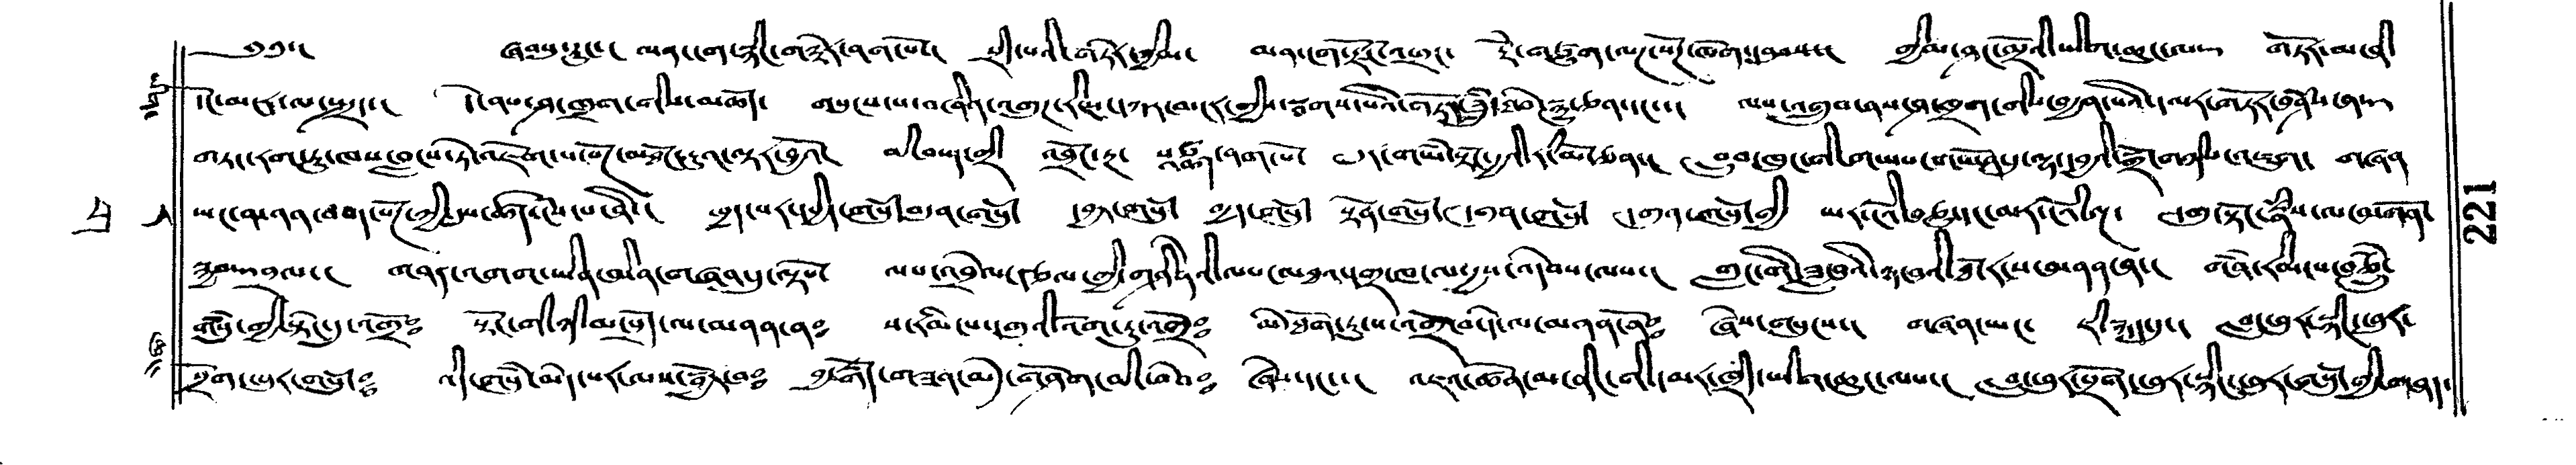ཞབས་སུ་རུང་། མན་ངག་སྙིང་གཟེར་ནག་པོ། སྲིད་པའི་གཏེར་ཁྱིམ། མན་ངག་རྫོང་འཕྲང་། རྡོ་རྗེ་གཙུག་ལག་སོགས་ཁོག་དབུབས། གྱིམ་ཤང་མཁའ་འགྲོའི་ཡིག་ཆུང་ལས། གཏོར་མ་ནི། 
དོང་མངར་ལ་སྤྲད། དེ་ནས་ཤ་ཁྲག་གིས་མཆོད། གསུངས་པ་བཞིན་འགུགས་རིང་དཀར་མངར་གྱིས་སྦགས་པའི་གཏོར་ཟླུམ་ཐེབ་སྐྱུ་ཅན། ལས་འགྲུབ་ནས་ཤ་ཁྲག་གིས་བརྒྱན་པའི་དམར་གཏོར་བཤམས་ནས་། 
གཏང་རག་ཏུ་ཁས་བླངས་ཏེ་འཇོག་པ་སོགས་མཐོང་རྒྱུན་ལྟར་བྱའོ།། མི་བསད་གྲི། འབྲོང་རྔ། སཱཙྪ་ནག་པོ། དུར་གཡམ་སྟོང་རྒྱའི་རི་མོ་ཅན། བྲུབ་ཁུང་གི་གཡས་གཡོན་དུ་ལྷ་དབྱེའི་སྒྲོ་གཉིས་འཛུགས། གཞན་
ཡང་མནན་བསད་སོགས་ཀྱི་དུས་ཚོད་ངེས་པ་ནི། ཁྱད་པར་དཔྱིད་གསུམ་བདུན་གསུམ། དབྱར་གསུམ། བརྒྱད་གསུམ། སྟོན་གསུམ། དགུན་གསུམ། དགུན་གསུམ་གྱི་ཡར་ངོའི་བཅུ་དང་མར་ངོའི་ལྔ། དགུ་སྟོང་རྣམས་ལ་མགོན་
སྐྱབས་བྲལ། གནད་འགག་ཡིན་མིན་གཞན་དུ་ལྟོས། ལས་འབྲེལ་རྩལ་གྱི་གཤིན་རྗེའི་ལས་མཐའ་དགྲ་ཁ་ལ་རྒྱས་འདེབས་ལས། གླང་གི་ཟླ་བའི་ཉ་བའི་ཐོ་རངས་མནན་ན། གནམ་རིམ་པ་བཅུ་
གསུམ་གྱི་སྟེང་དུ་འགྲོ། སྟོང་གི་ཉི་མ་སྲོད་ལ་མནན་ན།ས་རིམ་པ་དགུའི་འོག་ཏུ་འགྲོ། མེ་ཐོག་ཏུ་ས་འགྲོ་བ་དེ་ལ་མནན་ནོ། ཞེས་གསུངས། གཞན་ཡང་། ཇི་སྐད་དུ། བླ་ཕུར་སྙིང་ཕུར་
སྲོག་ཕུར་གསུམ། །འདི་གསུམ་མེད་པར་ལས་སྦྱོར་བ། །བྱ་རྒོད་གཟན་མེད་གཤོག་མི་ཕེབ། ཞེས་དང་། འཇའ་ཚོན་མ་ནིང་གི་དམར་ཁྲིད་ཡིག་ཆུང་ལས། བླ་ཕུར་སྲོག་ཕུར་སྙིང་ཕུར་གསུམ་གྱི་གནད་